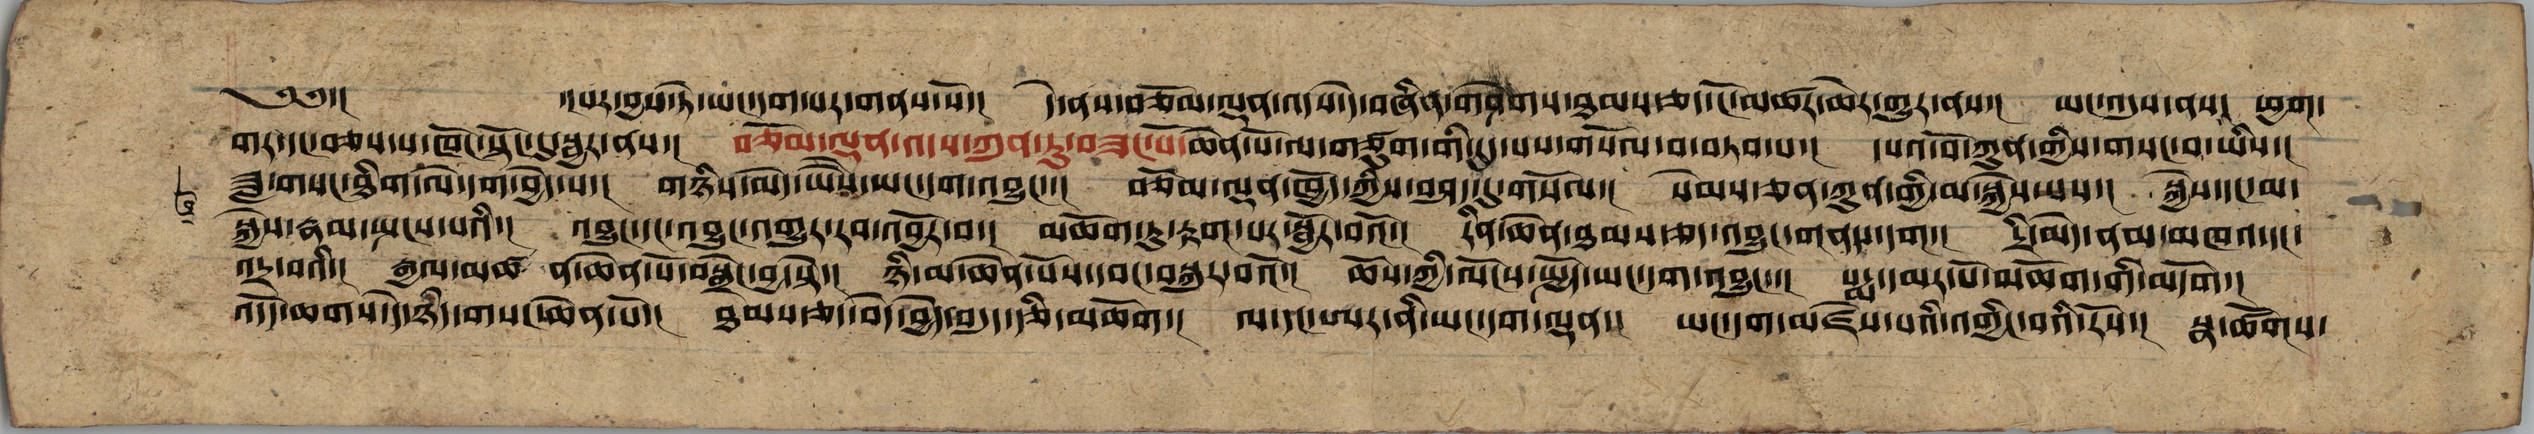༄༅་། ་།པར་བྱས་ཏེ་ཡང་དག་པར་གནས་སོ་། དེ་ནས་བཅོམ་ལྡན་འདས་དེ་བཞིན་གཤེགས་ཐམས་ཅད་ངོ་མཚར་ཆེར་གྱུར་ནས་། ཡང་འདུས་ནས་། ཕྱག་
གར་དང་བཅས་པ་ཁོང་སྟེང་དུ་སྦྱར་ནས་། བཅོམ་ལྡན་འདས་ཀུན་ཏུ་བཟང་པོ་ཆེན་པོ་ལ་གཙུག་གི་དུད་པས་གསོལ་བ་བཏབ་པ་། དཔའ་བོ་ཀུན་གྱིས་གསང་བ་ཡིས་།
ཟླ་གསང་ཐིག་ལེ་དག་བྱེད་པ་། གཉིས་མེད་ཡཻས་ཡང་དག་འབྱུང་་། བཅོམ་ལྡན་ཁྱོད་ཀྱིས་བཤད་དུ་གསོལ་། སེམས་ཅན་ཀུན་གྱི་མ་སྐྱེས་པས་་ སྐྱེས་དང་མ་
སྐྱེས་རྣམ་སྤངས་པའི་། འབྱུང་དང་འབྱུང་འགྱུར་རབ་འབྱོར་བ་། མཆོག་ཏུ་རྟག་པར་སྦྱོར་བའོ་། རིན་ཆེན་ཐམས་ཅད་འབྱུང་གནས་དག་། དྲི་མེད་ནམ་མཁའ་དང་
འདྲ་བའི་། རྒྱལ་མཚ ན་ཆེན་པོ་བསྒྲེང་བྱ་སྟེ་། ཉི་མ་ཆེན་པོས་དབང་བསྐུར་བའོ་། ཆོས་ཀྱི་ལོངས་སྤྱོད་ཡང་དག་འབྱུང་་། པདྨ་དམར་པོ་མཆོག་གི་མདོག་།
འོདད་ཆགས་དེ་ཉིད་གསང་ཆེན་པོ་། ཐམས་ཅད་བདེ་བྱེད་བདུད་རྩི་མཆོག་། ལ་དང་ཨར་ནི་ཡང་དག་ལྡན་། ཡང་དག་མཛེས་པའི་འགྱིང་བའི་རོས་། སྣ་ཚོགས་